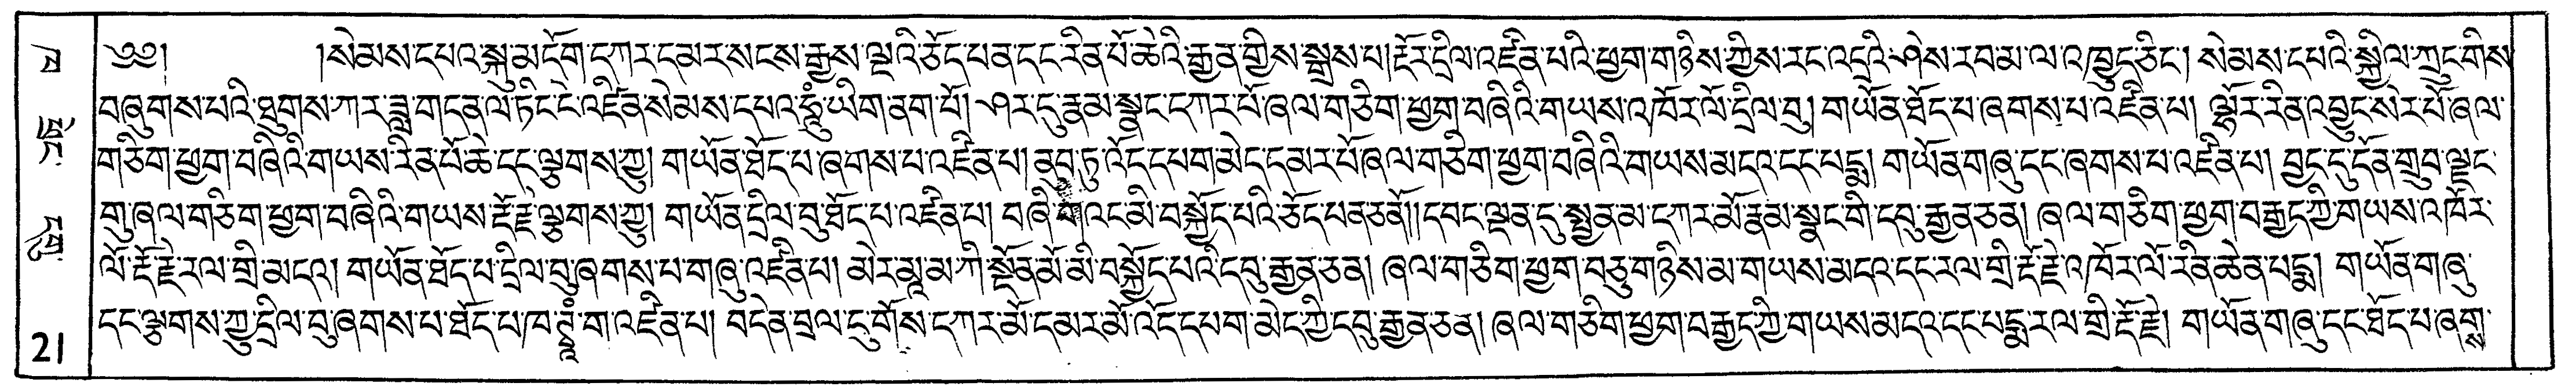༄༅། །སེམས་དཔའ་སྐུ་མདོག་དཀར་དམར་སངས་རྒྱས་ལྔའི་ཅོད་པན་དང་རིན་པོ་ཆེའི་རྒྱན་གྱིས་སྒྲས་པ། རྡོར་དྲིལ་འཛིན་པའི་ཕྱག་གཉིས་ཀྱིས་རང་འདྲའི་ཤེས་རབ་མ་ལ་འཁྱུད་ཅིང་། སེམས་དཔའི་སྐྱིལ་ཀྲུང་གིས་
བཞུགས་པའི་ཐུགས་ཀར་ཟླ་གདན་ལ་ཏིང་ངེ་འཛིན་སེམས་དཔའ་ཧཱུཾ་ཡིག་ནག་པོ། ཤར་དུ་རྣམ་སྣང་དཀར་པོ་ཞལ་གཅིག་ཕྱག་བཞིའི་གཡས་འཁོར་ལོ་དྲིལ་བུ། གཡོན་ཐོད་པ་ཞགས་པ་འཛིན་པ། ལྷོར་རིན་འབྱུང་སེར་པོ་ཞལ་
གཅིག་ཕྱག་བཞིའི་གཡས་རིན་པོ་ཆེ་དང་ལྕགས་ཀྱུ། གཡོན་ཐོད་པ་ཞགས་པ་འཛིན་པ། ནུབ་ཏུ་འོད་དཔག་མེད་དམར་པོ་ཞལ་གཅིག་ཕྱག་བཞིའི་གཡས་མདའ་དང་པདམ། གཡོན་གཞུ་དང་ཞགས་པ་འཛིན་པ། བྱང་དུ་དོན་གྲུབ་ལྗང་
གུ་ཞལ་གཅིག་ཕྱག་བཞིའི་གཡས་རྡོ་རྗེ་ལྕགས་ཀྱུ། གཡོན་དྲིལ་བུ་ཐོད་པ་འཛིན་པ། བཞི་གའང་མི་བསྐྱོད་པའི་ཅོད་པན་ཅན་ནོ། །དབང་ལྡན་དུ་སྤྱན་མ་དཀར་མོ་རྣམ་སྣང་གི་དབུ་རྒྱན་ཅན། ཞལ་གཅིག་ཕྱག་བརྒྱད་ཀྱི་གཡས་འཁོར་
ལོ་རྡོ་རྗེ་རལ་གྲི་མདའ། གཡོན་ཐོད་པ་དྲིལ་བུ་ཞགས་པ་གཞུ་འཛིན་པ། མེར་མཱ་མ་ཀི་སྔོན་མོ་མི་བསྐྱོད་པའི་དབུ་རྒྱན་ཅན། ཞལ་གཅིག་ཕྱག་བཅུ་གཉིས་མ་གཡས་མདའ་དང་རལ་གྲི་རྡོ་རྗེ་འཁོར་ལོ་རིན་ཆེན་པདམ། གཡོན་གཞུ་
དང་ལྕགས་ཀྱུ་དྲིལ་བུ་ཞགས་པ་ཐོད་པ་ཁ་ཊྭཱཾ་ག་འཛིན་པ། བདེན་བྲལ་དུ་གོས་དཀར་མོ་དམར་མོ་འོད་དཔག་མེད་ཀྱི་དབུ་རྒྱན་ཅན། ཞལ་གཅིག་ཕྱག་བརྒྱད་ཀྱི་གཡས་མདའ་དང་པདམ་རལ་གྲི་རྡོ་རྗེ། གཡོན་གཞུ་དང་ཐོད་པ་ཞགས་